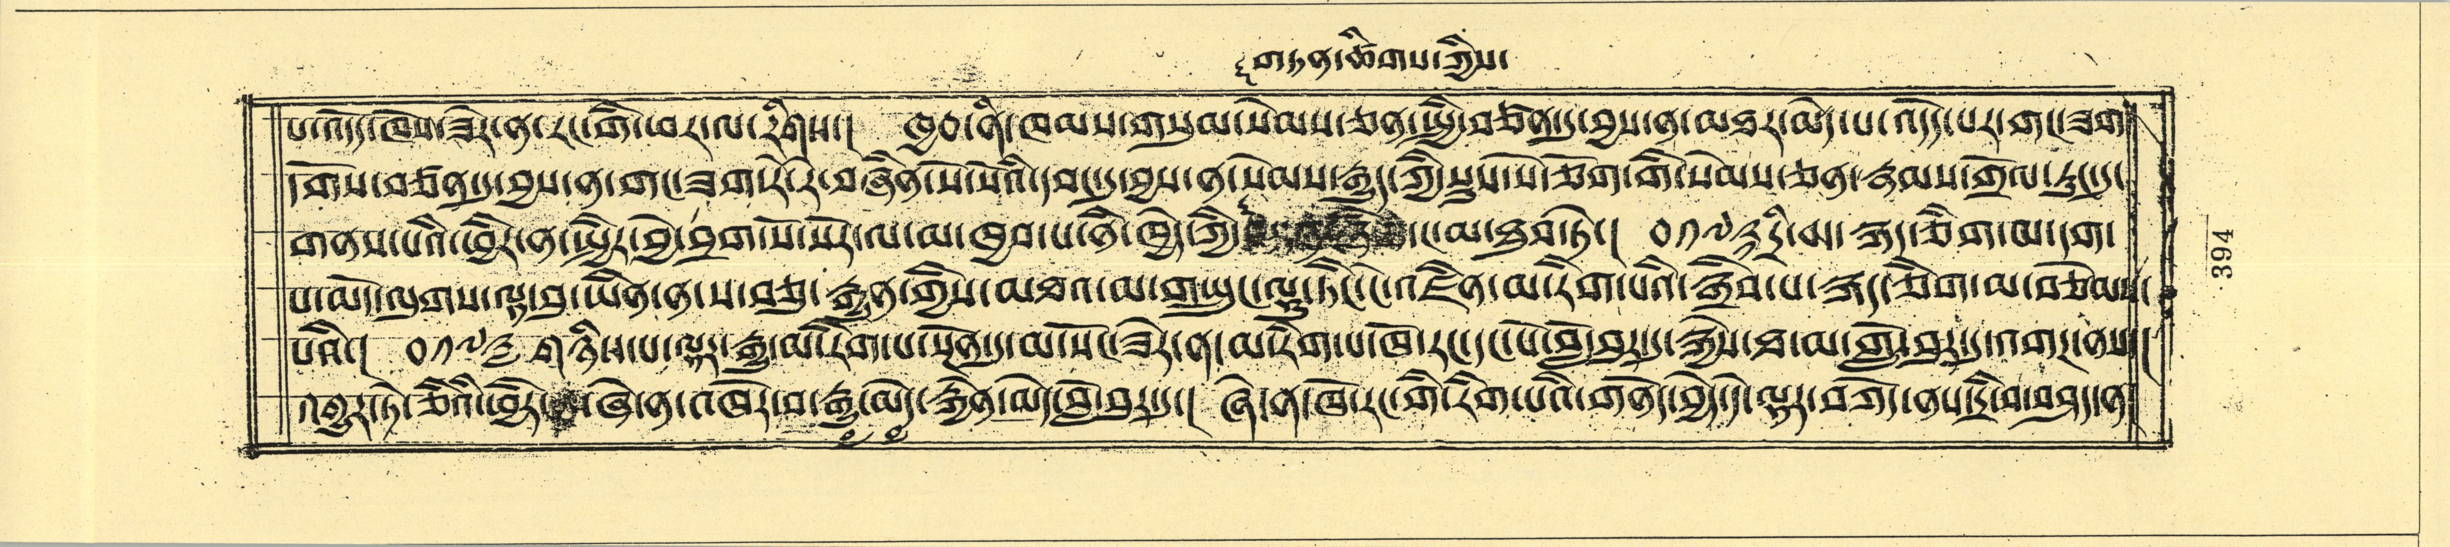པ་འདོད་ཁོས་ཟེར་ན་རང་གི་ཕར་ལ་ ༼རིགས།༽ ༼ཁྱབ་ནི་༽ཁམས་གསུམ་སེམས་ཅན་སྤྱི་བཙན་དུ་བྱས་ན་མཐར་མེད་པ་འདོད་པར་གང་ཟག་
དགོས་བཙན་དུ་བྱས་ན་གང་ཟག་རེ་རེ་བཞིན་སོ་སོའི་དབང་དུ་བྱས་ན་སེམས་རྒྱུད་ཀྱི་སྡུས་སོ་ཅོག་གི་སེམས་ཅན་རྣམས་གྲོལ་རུང་དུ་
གནས་པའི་ཕྱིར་ན་སྤྱིར་བྱེ་བྲག་སོ་སོར་ལ་མ་ཁྱབ་པ་ནི་ཁྱེད་ཀྱི་གཏན་ཚིགས་ཀྱིས་མ་ཐུབ་ཏེ། བ༡༧༢།༡ ༼དྲི་མ་༽སྐད་ཅིག་མ་དག་
པ་མདོ་ལུགས་ལྟ་བུ་ཡིན་ན་ས་བཅུ་རྒྱུན་གྱིས་མཐའ་མ་གཡུང་དྲུང་ལྟ་བུ་ཏིང་ངེ་འཛིན་མ་རིག་པའི་སྒྲིབ་པ་སྐད་ཅིག་མ་བཅོམས་
པའི། བ༡༧༢།༤ ༼གཉིས་པ་ལྟར་༽རྒྱུ་མ་རིག་པ་སྔོན་དུ་མ་སོང་ཟེར་ན་མ་རིག་པ་ཁོ་རང་དང་པོ་བློ་བུར་དུ་སྐྱེས་ཐ་མ་གློ་བུར་དུ་འགགས་ནས། 
༼འགྱུར་ཏེ་༽ཅིའི་ཕྱིར་ཞེ་ན་འཁོར་བ་རྒྱུ་མེད་རྐྱེན་མེད་བློ་བུར་དུ། ༼ཞེ་ན་༽ཁོ་རང་གི་རིག་པའི་གནོད་བྱེད་དེ་ལྟར་བཀོད་ནས་དྲི་བ་བཤད་ན་